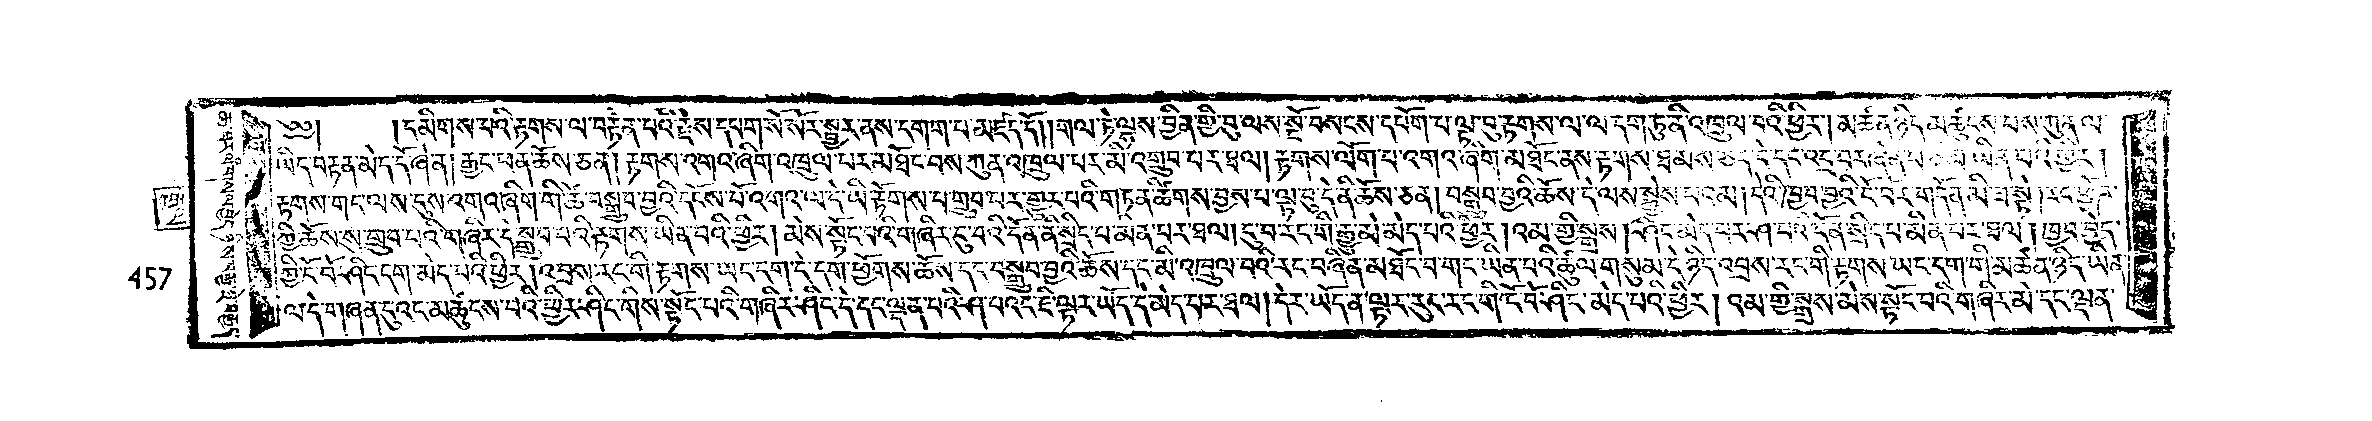༄༅། །དམིགས་པའི་རྟགས་ལ་བརྟེན་པའི་རྗེས་དཔག་སོ་སོར་སྦྱར་ནས་དགག་པ་མཇད་དོ། །གལ་ཏེ་ལྷས་བྱིན་གྱི་བུ་ལས་སྔོ་བསངས་དཔོག་པ་ལྟ་བུ་རྟགས་ལ་ལ་དག་ཏུ་ནི་འཁྲུལ་བའི་ཕྱིར། མཚན་ཉིད་མཚུངས་པས་ཀུན་ལ་
ཡིད་བརྟན་མེད་དོ་ཞེ་ན། རྒྱང་ཕན་ཆོས་ཅན། རྟགས་འགའ་ཞིག་འཁྲུལ་པར་མཐོང་བས་ཀུན་འཁྲུལ་པར་མི་འགྲུབ་པར་ཐལ། རྟགས་ལོག་པ་འགའ་ཞིག་མཐོང་ནས་རྟགས་ཐམས་ཅད་དེ་དང་འདྲ་བར་ཞེན་པ་ཙམ་ཡིན་པའི་ཕྱིར།
རྟགས་གང་ལས་དུས་འགའ་ཞིག་གི་ཚེ་བསྒྲུབ་བྱའི་དངོས་པོ་འགའ་ལ་དེ་ཡི་རྟོགས་པ་གྲུབ་པར་གྱུར་པའི་གཏན་ཚིགས་བྱས་པ་ལྟ་བུ་དེ་ནི་ཆོས་ཅན། བསྒྲུབ་བྱའི་ཆོས་དེ་ལས་སྐྱེས་པའམ། དེའི་ཁྱབ་བྱའི་ངོ་བོར་གདོན་མི་ཟ་སྟེ། རང་ཕྱོཌ་
ཀྱི་ཆོས་སུ་གྲུབ་པའི་གཞིར་དེ་སྒྲུབ་པའི་རྟགས་ཡིན་པའི་ཕྱིར། མེས་སྟོང་པའི་གཞིར་དུ་བའི་དོན་ནི་སྲིད་པ་མིན་པར་ཐལ། དུ་བ་རང་གི་རྒྱུ་མེ་མེད་པའི་ཕྱིར། འམ་གྱི་སྒྲས། ཤིང་མེད་པར་ཤ་པའི་དོན་སྲིད་པ་མིན་པར་ཐལ། ཁྱབ་བྱེད་
ཀྱི་ངོ་བོ་ཤིང་དག་མེད་པའི་ཕྱིར། འབྲས་རང་གི་རྟགས་ཡང་དག་དེ་དག་ཕྱོགས་ཆོས་དང་བསྒྲུབ་བྱའི་ཆོས་དང་མི་འཁྲུལ་བའི་རང་བཞིན་མཐོང་བ་གང་ཡིན་པའི་ཚུལ་གསུམ་དེ་ཉིད་འབྲས་རང་གི་རྟགས་ཡང་དག་གི་མཚན་ཉིད་ཡིན་
ལ་དེ་གཞན་དུ་འང་མཚུངས་བའི་ཕྱིར་ཤིང་གིས་སྟོང་པའི་གཞིར་ཤིང་དེ་དང་ལྡན་པའི་ཤ་པའང་ཇི་ལྟར་ཡོད་དེ་མེད་པར་ཐལ། དེར་ཡོད་ན་ལྟར་རུང་རང་གི་ངོ་བོ་ཤིང་མེད་པའི་ཕྱིར། འམ་གྱི་སྒྲས་མེས་སྟོང་བའི་གཞིར་མེ་དང་ལྡན་